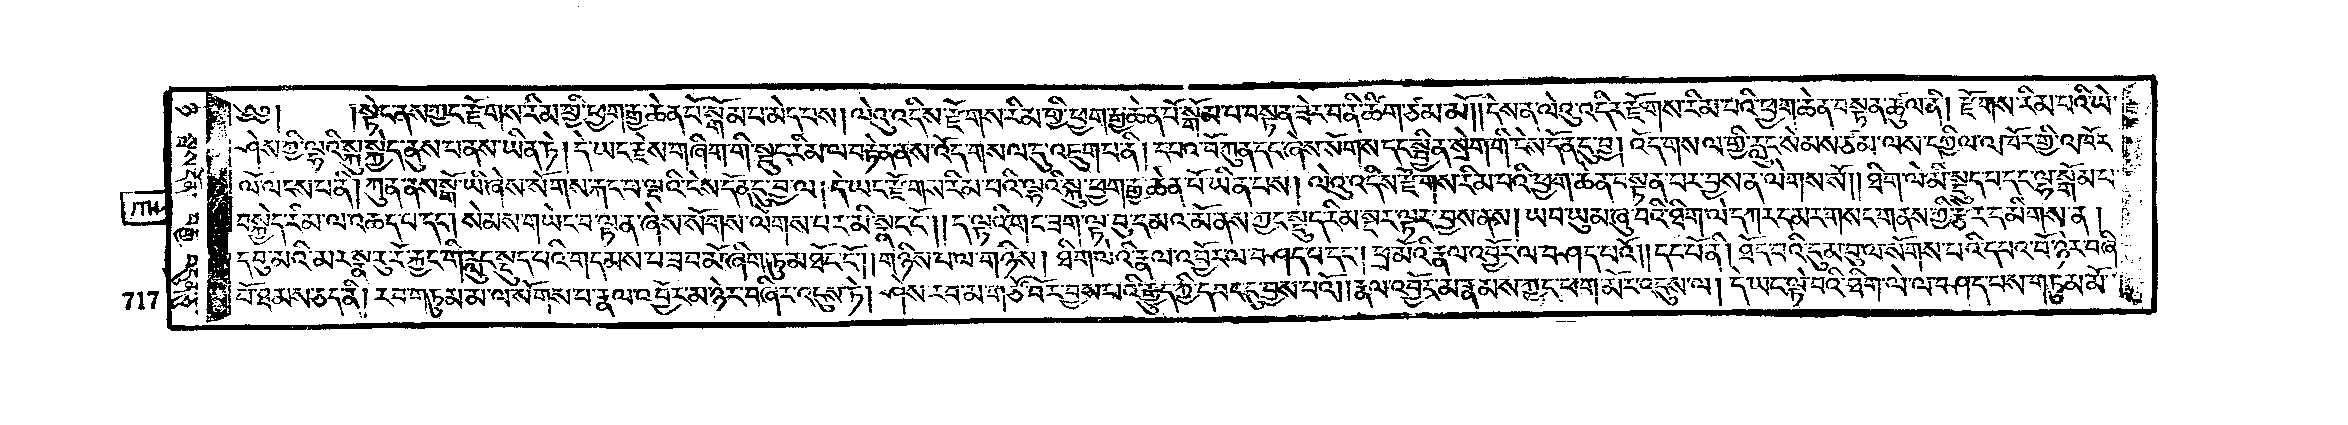༄༅། །སྟེང་ནས་ཀྱང་རྫོགས་རིམ་གྱི་ཕྱག་རྒྱ་ཆེན་པོ་སྒོམ་པ་མེད་པས། ལེའུ་འདིས་རྫོགས་རིམ་གྱི་ཕྱག་རྒྱ་ཆེན་པོ་སྒོམ་པ་བསྟན་ཟེར་བ་ནི་ཚིག་ཙམ་མོ། །དེས་ན་ལེའུ་འདིར་རྫོགས་རིམ་པའི་ཕྱག་ཆེན་བསྟན་ཚུལ་ནི། རྫོགས་རིམ་པའི་ཡེ་
ཤེས་ཀྱི་ལྷའི་སྐུ་སྐྱེད་ནུས་པ་ནས་ཡིན་ཏེ། དེ་ཡང་རྗེས་གཞིག་གི་སྡུད་རིམ་ལ་བརྟེན་ནས་འོད་གསལ་དུ་འཇུག་པ་ནི། དཔའ་བོ་ཀུན་དང་ཞེས་སོགས་དང་སྦྱིན་སྲེག་གི་ངེས་དོན་དུ་བྱ། འོད་གསལ་གྱི་རླུང་སེམས་ཙམ་ལས་དཀྱིལ་འཁོར་གྱི་འཁོར་
ལོ་ལངས་པ་ནི། ཀུན་ནས་སྒོ་ཡི་ཞེས་སོགས་རྐང་པ་ལྔའི་ངེས་དོན་དུ་བྱ་ལ། དེ་ཡང་རྫོགས་རིམ་པའི་ལྷའི་སྐུ་ཕྱག་རྒྱ་ཆེན་པོ་ཡིན་པས། ལེའུ་འདིས་རྫོགས་རིམ་པའི་ཕྱག་ཆེན་བསྟན་པར་བྱས་ན་ལེགས་སོ། །ཐིག་ལེ་མི་སྡུད་པ་དང་ལྷ་སྒོམ་པ་
བསྐྱེད་རིམ་ལ་འཆད་པ་དང་། སེམས་གཡེང་བ་ལྟ་ན་ཞེས་སོགས་ལེགས་པར་མི་སྣང་ངོ། །ད་ལྟའི་གང་ཟག་ལྟ་བུ་དམའ་མོ་ནས་ཀྱང་སྡུད་རིམ་སྔར་ལྟར་བྱས་ནས། ཡབ་ཡུམ་ཞུ་བའི་ཐིག་ལེ་དཀར་དམར་གསང་གནས་ཀྱི་རྩེར་དམིགས་ན།
དབུ་མའི་མར་སྣ་རུ་རོ་རྐྱང་གི་རླུང་སྡུད་པའི་གདམས་པ་ཟབ་མོ་ཞིག་ཏུ་མཐོང་ངོ། །གཉིས་པ་ལ་གཉིས། ཐིག་ལེའི་རྣལ་འབྱོར་ལ་བཤད་པ་དང་། ཕྲ་མོའི་རྣལ་འབྱོར་ལ་བཤད་པའོ། །དང་པོ་ནི། ཐོད་བའི་དུམ་བུ་ལ་སོགས་པའི་དཔའ་བོ་ཉེར་བཞི་
པོ་ཐམས་ཅད་ནི། རབ་གཏུམ་མ་ལ་སོགས་པ་རྣལ་འབྱོར་མ་ཉེར་བཞིར་འདུས་ཏེ། ཤེས་རབ་མ་གཙོ་བོར་བྱས་པའི་རྒྱུད་ཀྱི་དབང་དུ་བྱས་པའོ། །རྣལ་འབྱོར་མ་རྣམས་ཀྱང་ཕག་མོར་འདུས་ལ། དེ་ཡང་ལྟེ་བའི་ཐིག་ལེ་ལ་བཤད་པས་གཏུམ་མོ་